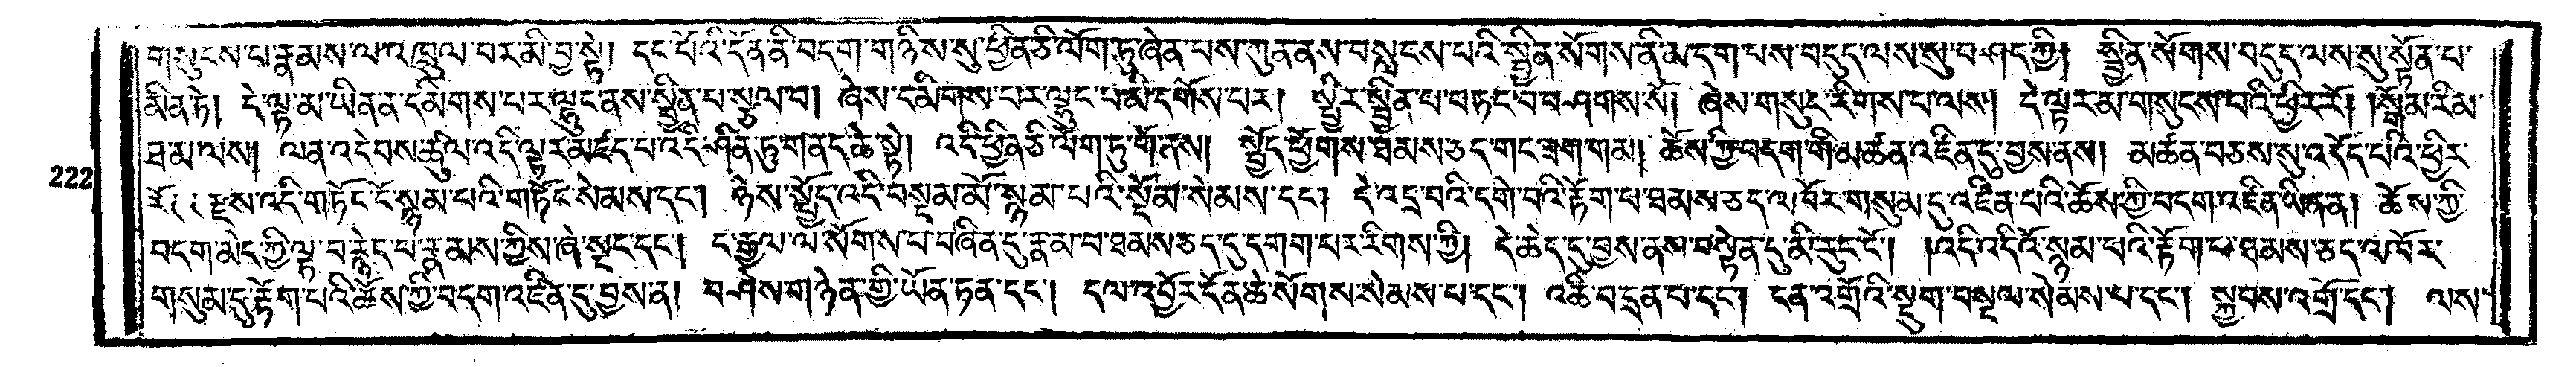གསུངས་པ་རྣམས་ལ་འཁྲུལ་བར་མི་བྱ་སྟེ། དང་པོའི་དོན་ནི་བདག་གཉིས་སུ་ཕྱིན་ཅི་ལོག་ཏུ་ཞེན་པས་ཀུན་ནས་བསླངས་པའི་སྦྱིན་སོགས་ནི་མ་དག་པས་བདུད་ལས་སུ་བཤད་ཀྱི། སྦྱིན་སོགས་བདུད་ལས་སུ་སྟོན་པ་
མིན་ཏེ། དེ་ལྟ་མ་ཡིན་ན་དམིགས་པར་ལྷུང་ནས་སྦྱིན་པ་སྩལ་བ། ཞེས་དམིགས་པར་ལྷུང་པ་མི་དགོས་པར། སྤྱིར་སྦྱིན་པ་བཏང་བ་བཤགས་སོ། ཞེས་གསུངས་རིགས་པ་ལས། དེ་ལྟར་མ་གསུངས་པའི་ཕྱིར་རོ། །སྒོམ་རིམ་
ཐ་མ་ལས། ལན་འདེབས་ཚུལ་འདི་ལྟར་མཛད་པ་འདི་ཤིན་ཏུ་གནད་ཆེ་སྟེ། འདི་ཕྱིན་ཅི་ལོག་ཏུ་གོ་ནས། སྤྱོད་ཕྱོགས་ཐམས་ཅད་གང་ཟག་གམ། ཆོས་ཀྱི་བདག་གི་མཚན་འཛིན་དུ་བྱས་ནས། མཚན་བཅས་སུ་འདོད་པའི་ཕྱིར་
རོ༑ ༑རྫས་འདི་གཏོང་ངོ་སྙམ་པའི་གཏོང་སེམས་དང་། ཉེས་སྤྱོད་འདི་བསྔམ་མོ་སྙམ་པའི་སྡོམ་སེམས་དང་། དེ་འདྲ་བའི་དགེ་བའི་རྟོག་པ་ཐམས་ཅད་འཁོར་གསུམ་དུ་འཛིན་པའི་ཆོས་ཀྱི་བདག་འཛིན་ཡིན་ན། ཆོས་ཀྱི་
བདག་མེད་ཀྱི་ལྟ་བ་རྙེད་པ་རྣམས་ཀྱིས་ཞེ་སྡང་དང་། ང་རྒྱལ་ལ་སོགས་པ་བཞིན་དུ་རྣམ་པ་ཐམས་ཅད་དུ་དགག་པར་རིགས་ཀྱི། དེ་ཆེད་དུ་བྱས་ནས་བསྟེན་དུ་མི་རུང་ངོ། །འདི་འདིའོ་སྙམ་པའི་རྟོག་པ་ཐམས་ཅད་འཁོར་
གསུམ་དུ་རྟོག་པའི་ཆོས་ཀྱི་བདག་འཛིན་དུ་བྱས་ན། བཤེས་གཉེན་གྱི་ཡོན་ཏན་དང་། དལ་འབྱོར་དོན་ཆེ་སོགས་སེམས་པ་དང་། འཆི་བ་དྲན་པ་དང་། ངན་འགྲོའི་སྡུག་བསྔལ་སེམས་པ་དང་། སྐྱབས་འགྲོ་དང་། ལས་